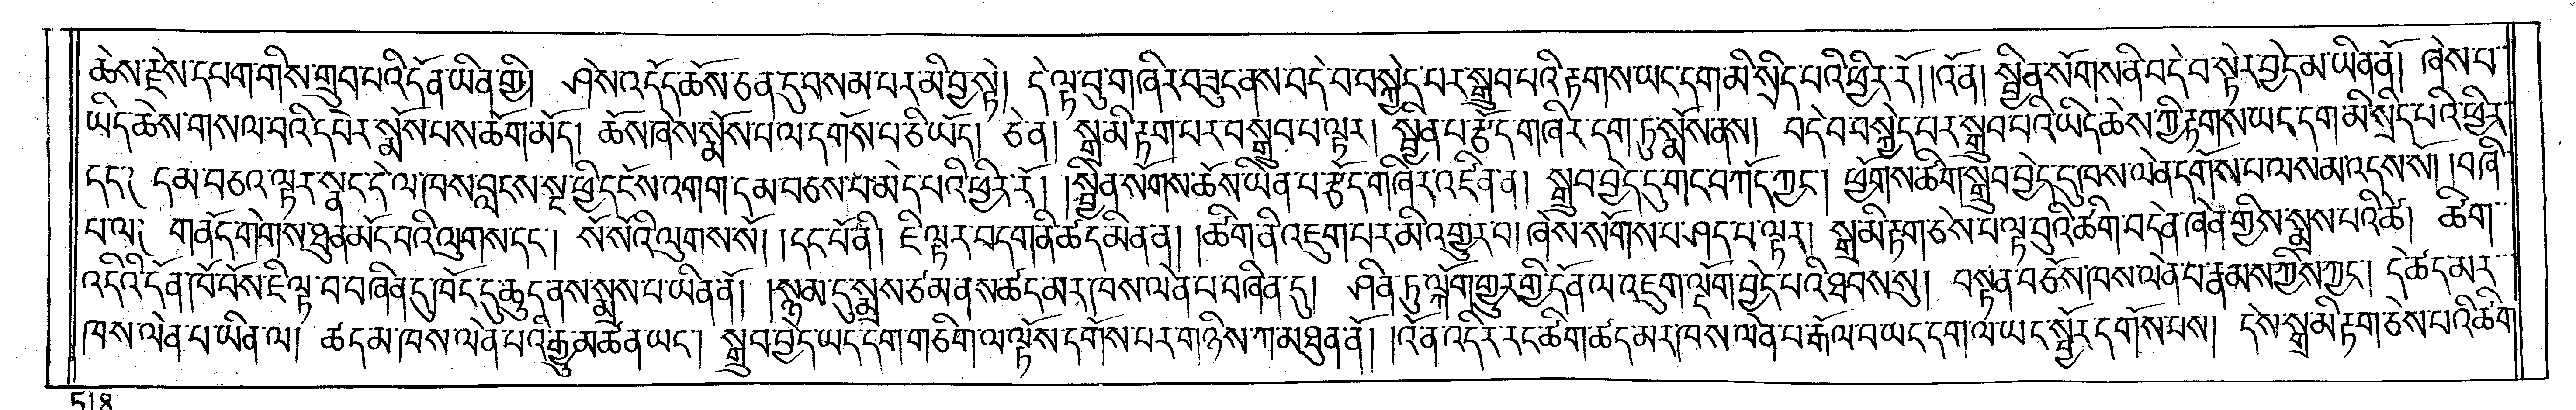ཆེས་རྗེས་དཔག་གིས་གྲུབ་པའི་དོན་ཡིན་གྱི། ཤེས་འདོད་ཆོས་ཅན་དུ་བསམ་པར་མི་བྱ་སྟེ། དེ་ལྟ་བུ་གཞིར་བཟུང་ནས་བདེ་བ་བསྐྱེད་པར་སྒྲུབ་པའི་རྟགས་ཡང་དག་མི་སྲིད་པའི་ཕྱིར་རོ། །འོ་ན། སྦྱིན་སོགས་ནི་བདེ་བ་སྟེར་བྱེད་མ་ཡིན་ནོ། ཞེས་པ་
ཡིད་ཆེས་གསལ་བའི་དཔེར་སྨོས་པས་ཆོག་མོད། ཆོས་ཞེས་སྨོས་པ་ལ་དགོས་པ་ཅི་ཡོད། ཅེ་ན། སྒྲ་མི་རྟག་པར་བསྒྲུབ་པ་ལྟར། སྦྱིན་པ་རྩོད་གཞིར་ངག་ཏུ་སྨོས་ནས། བདེ་བ་བསྐྱེད་པར་སྒྲུབ་པའི་ཡིད་ཆེས་ཀྱི་རྟགས་ཡང་དག་མི་སྲིད་པའི་ཕྱིར་
དང༑ དམ་བཅའ་ལྟར་སྣང་དེ་ལ་ཁས་བླངས་སྔ་ཕྱི་དངོས་འགལ་དམ་བཅས་པ་མེད་པའི་ཕྱིར་རོ། །སྦྱིན་སོགས་ཆོས་ཡིན་པ་རྩོད་གཞིར་འཛིན་ན། སྒྲུབ་བྱེད་དུ་གང་བཀོད་ཀྱང་། ཕྱོགས་ཚིག་སྒྲུབ་བྱེད་དུ་ཁས་ལེན་དགོས་པ་ལས་མ་འདས་སོ། །བཞི་
པ་ལ༑ གནོད་གེགས་ཐུན་མོང་བའི་ལུགས་དང་། སོ་སོའི་ལུགས་སོ། །དང་པོ་ནི། ཇི་ལྟར་བདག་ནི་ཚད་མིན་ན། །ཚིག་ནི་འཇུག་པར་མི་འགྱུར་བ། ཞེས་སོགས་བཤད་པ་ལྟར། སྒྲ་མི་རྟག་ཅེས་པ་ལྟ་བུའི་ཚིག་བདེན་ཞེན་གྱིས་སྨྲས་པའི་ཚེ། ཚིག་
འདིའི་དོན་ཁོ་བོས་ཇི་ལྟ་བ་བཞིན་དུ་ཁོང་དུ་ཆུད་ནས་སྨྲས་པ་ཡིན་ནོ། །སྙམ་དུ་སྨྲས་ཙམ་ནས་ཚད་མར་ཁས་ལེན་པ་བཞིན་དུ། ཤིན་ཏུ་ལྐོག་གྱུར་གྱི་དོན་ལ་འཇུག་ལྡོག་བྱེད་པའི་ཐབས་སུ། བསྟན་བཅོས་ཁས་ལེན་པ་རྣམས་ཀྱིས་ཀྱང་། དེ་ཚད་མར་
ཁས་ལེན་པ་ཡིན་ལ། ཚད་མ་ཁས་ལེན་པའི་རྒྱུ་མཚན་ཡང་། སྒྲུབ་བྱེད་ཡང་དག་གཅིག་ལ་ལྟོས་དགོས་པར་གཉིས་ཀ་མཐུན་ནོ། །འོ་ན་འདིར་རང་ཚིག་ཚད་མར་ཁས་ལེན་པ་རྒོལ་བ་ཡང་དག་ལ་ཡང་སྦྱོར་དགོས་པས། དེས་སྒྲ་མི་རྟག་ཅེས་པའི་ཚིག་